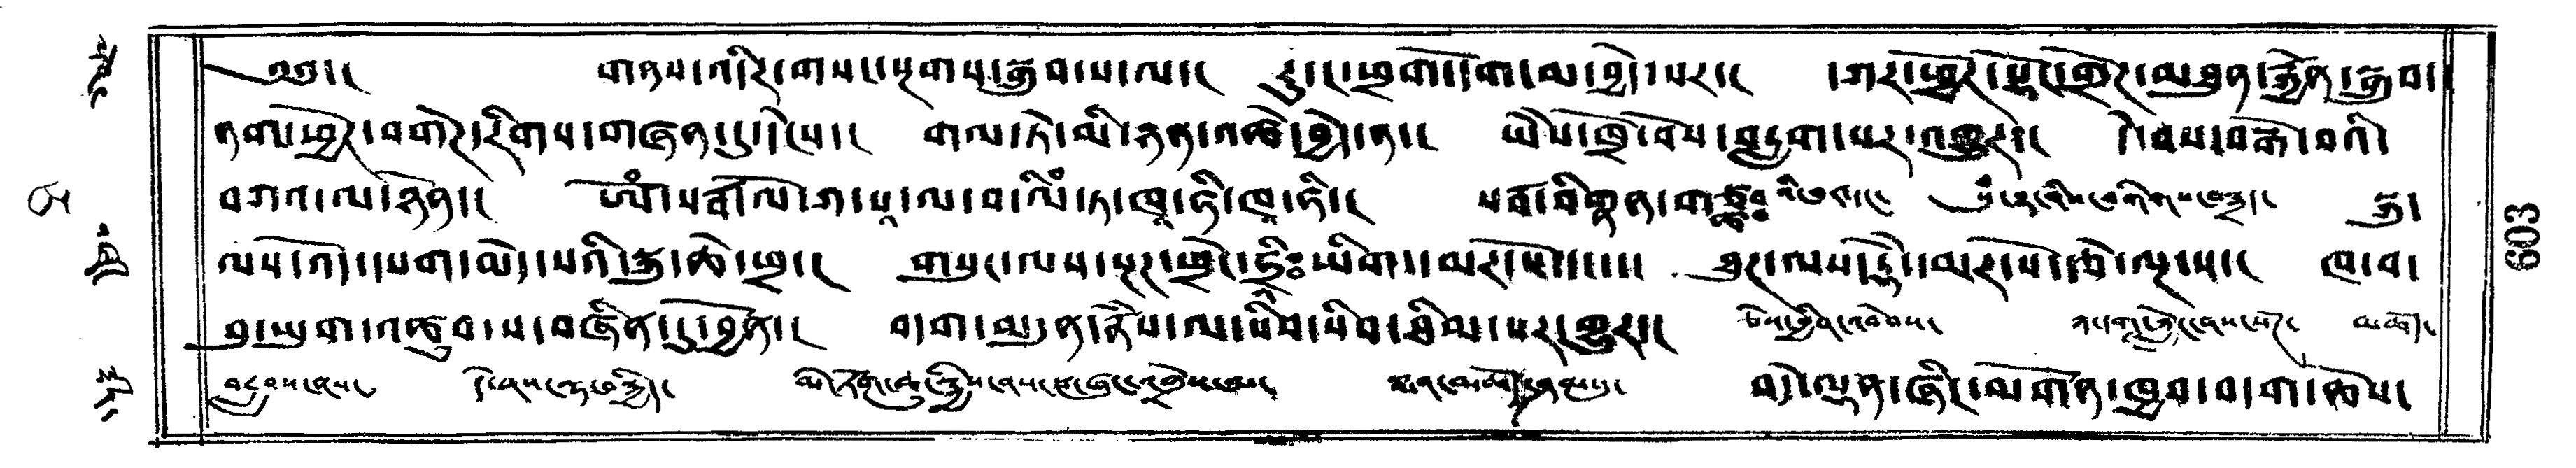།གནས་འདིར་གསང་སྔགས་སྒྲུབ་པ་ལ། །རུ་ང་ཕྲག་དོག་མ་བྱེད་པར། །དཀར་ཕྱོགས་སྡོང་གྲོགས་མཐུན་རྐྱེན་སྒྲུབས། །
ནག་ཕྱོགས་བགེགས་རིགས་གཞན་དུ་དེངས། །གལ་ཏེ་མི་ཉན་འཚེ་བྱེད་ན། །ཡེ་ཤེས་ཁྲོ་བོས་བརླག་པར་འགྱུར། །དེ་བས་བསྒོ་བའི་
བཀའ་ལ་ཉོན། །ཨོཾ་སརྦ་ལོ་ཀ་པཱ་ལ་བ་ལིཾ་ཏ་ཁཱ་ཧི་ཁཱ་ཧི། །སརྦ་བིགྣན༴གཙྪཿ འི་བར་དང་། སུཾ་བྷ་ནི ས་བགེགས་བསྐྲད། སྐུ་
ལས་འོད་དཔག་མེད་པའི་སྐུ་ཆེ་ཕྲ། །གསུང་ལས་སྔགས་ཕྲེང་ཧྲཱིཿཡིག་དམར་པོ་དང་། །ཐུགས་ལས་རྡོ་རྗེ་དམར་པོ་རྩེ་ལྔ་པ། ཁ་བ་
བུ་ཡུག་འཚུབས་པ་བཞིན་དུ་བྱོན། །བདག་མདུན་རྣམས་ལ་སིབ་སིབ་ཐིམ་པར་གྱུར། ཅེས་བྱིན་འབེབས། ཀ་དག་ཀློང་ནས༴ སོགས། མཆོད་
བརླབས་ནས། དེ་ནས་ལྷ་བསྐྱེད། མེ་ཏོག་ཆུ་སྐྱེས༴ ནས་གཞུང་འགྲོས་ལ། སྨན་མཆོད་གཤམ་དུ། བདེ་ལྡན་ཞིང་མགོན་ཁྱབ་བདག་ཆོས་